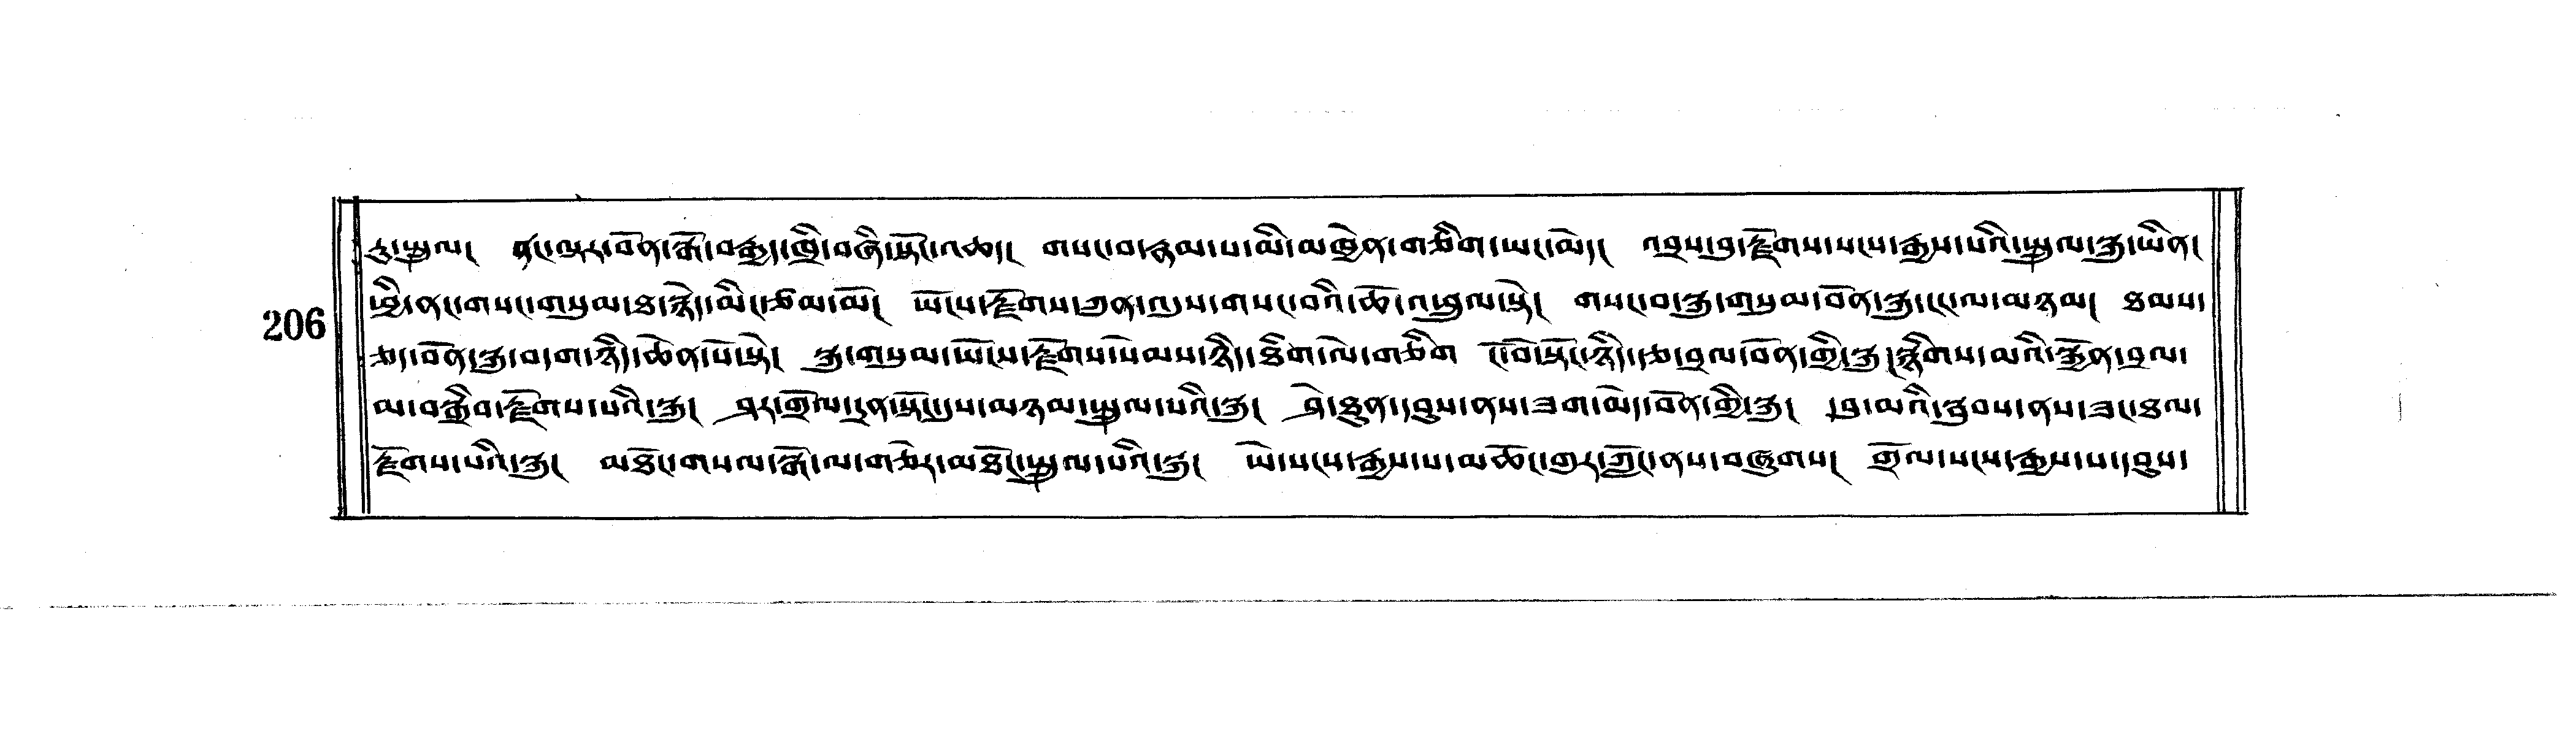རུ་སྤྲུལ། ནང་ལྟར་བོན་སྒོ་བརྒྱད་ཁྲི་བཞི་སྟོང་འཆད། གསང་བ་རྣམ་པ་མི་མཁྱེན་གཅིག་ཀྱང་མེད། འབྲས་བུ་རྫོགས་སངས་རྒྱས་པའི་སྤྲུལ་སྐུ་ཡིན། 
ཕྱི་ནང་གསང་གསུམ་ཐ་སྙད་མིང་ཙམ་མོ། ཡོངས་རྫོགས་ཀུན་འདུས་གསང་བའི་ཆོ་འཕྲུལ་ཏེ། གསང་བ་སྐུ་གསུམ་བོན་སྐུ་ངང་ལ་མཉམ། ཐམས་
ཅད་བོན་སྐུ་བདག་ཉིད་ཆེན་པོ་སྟེ། སྐུ་གསུམ་ཡོངས་རྫོགས་སེམས་ཉིད་ཐིག་ལེ་གཅིག ངོ་བོ་སྟོང་ཉིད་རྩ་བྲལ་བོན་གྱི་སྐུ། སྙིགས་མའི་སྐྱོན་བྲལ་
མ་བསྒྲིབས་རྫོགས་པའི་སྐུ། ཤར་གྲོལ་དྲན་སྟོང་དུས་མཉམ་སྤྲུལ་པའི་སྐུ། ཤེ་ཐུན་དབུས་ནས་ཟག་མེད་བོན་གྱི་སྐུ། དབུ་མའི་སྦུབས་ནས་ཟང་ཐལ་
རྫོགས་པའི་སྐུ། མཐོང་གསལ་སྒོ་ལ་ཅེར་མཐོང་སྤྲུལ་པའི་སྐུ། ཡེ་སངས་རྒྱས་པ་མཆོང་གུར་ཀློང་ན་བཞུགས། གྲོལ་སངས་རྒྱས་པ་དབུས་